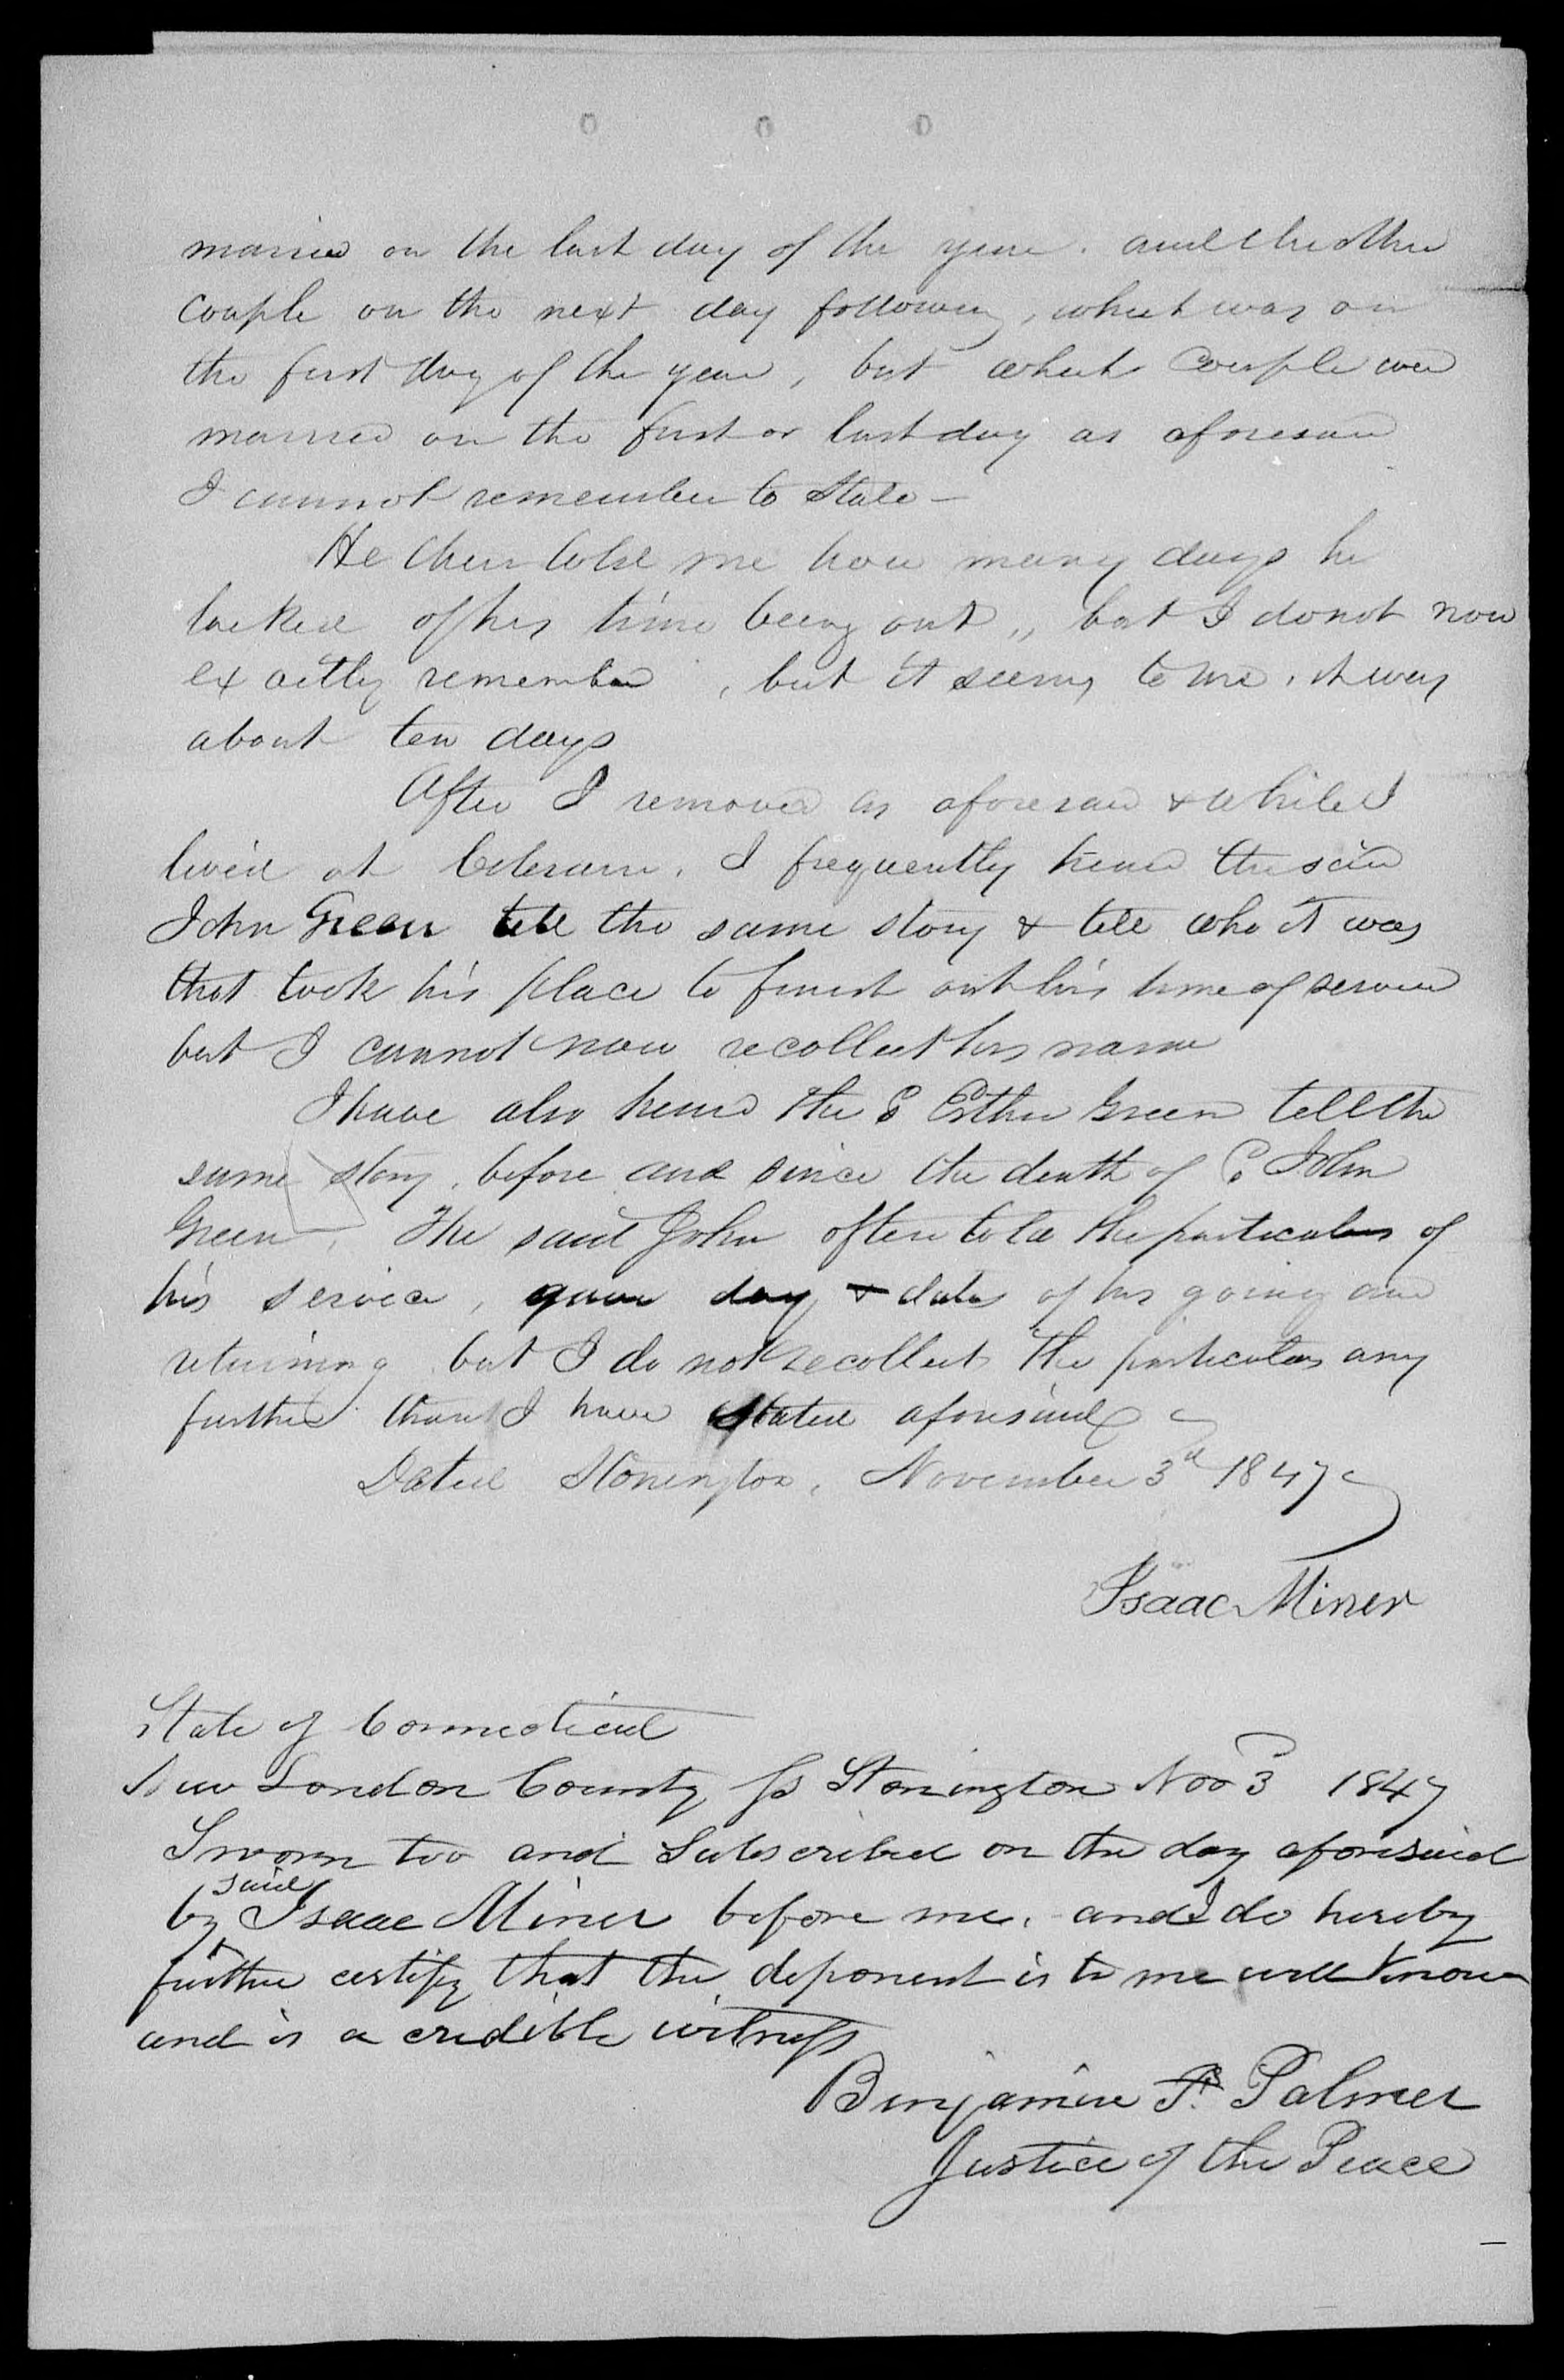married on the last day of the year and the other couple on the next day following which was on the first day of the year, but which couple ever married on the first or last day as aforesaid I cannot remember to state.
He then told me how many days he lacked of his time being out but I don't know exactly remember but it seems to me [being] about ten days.
After I removed as aforesaid & while I lived at [Coleran] I frequently knew the said John Green tell the same story & tell who it was that took his place to find out his time of service but I cannot now recollect his name. 
I have also heard the Esther Green tell the same story before and since the death of C John Green. The said John often told the particulars of his service giving day & date of his goings and returning but I do not recollect the particulars any further than I have stated aforesaid.
Dated Stonington, November 3rd, 1847
Isaac Miner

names: John, Benjamin F Palmer, John Green, Esther Green, Isaac Miner, Isaac Miner, John Green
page: 15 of 40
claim: rejected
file: R. 4251, John Green, Conn.